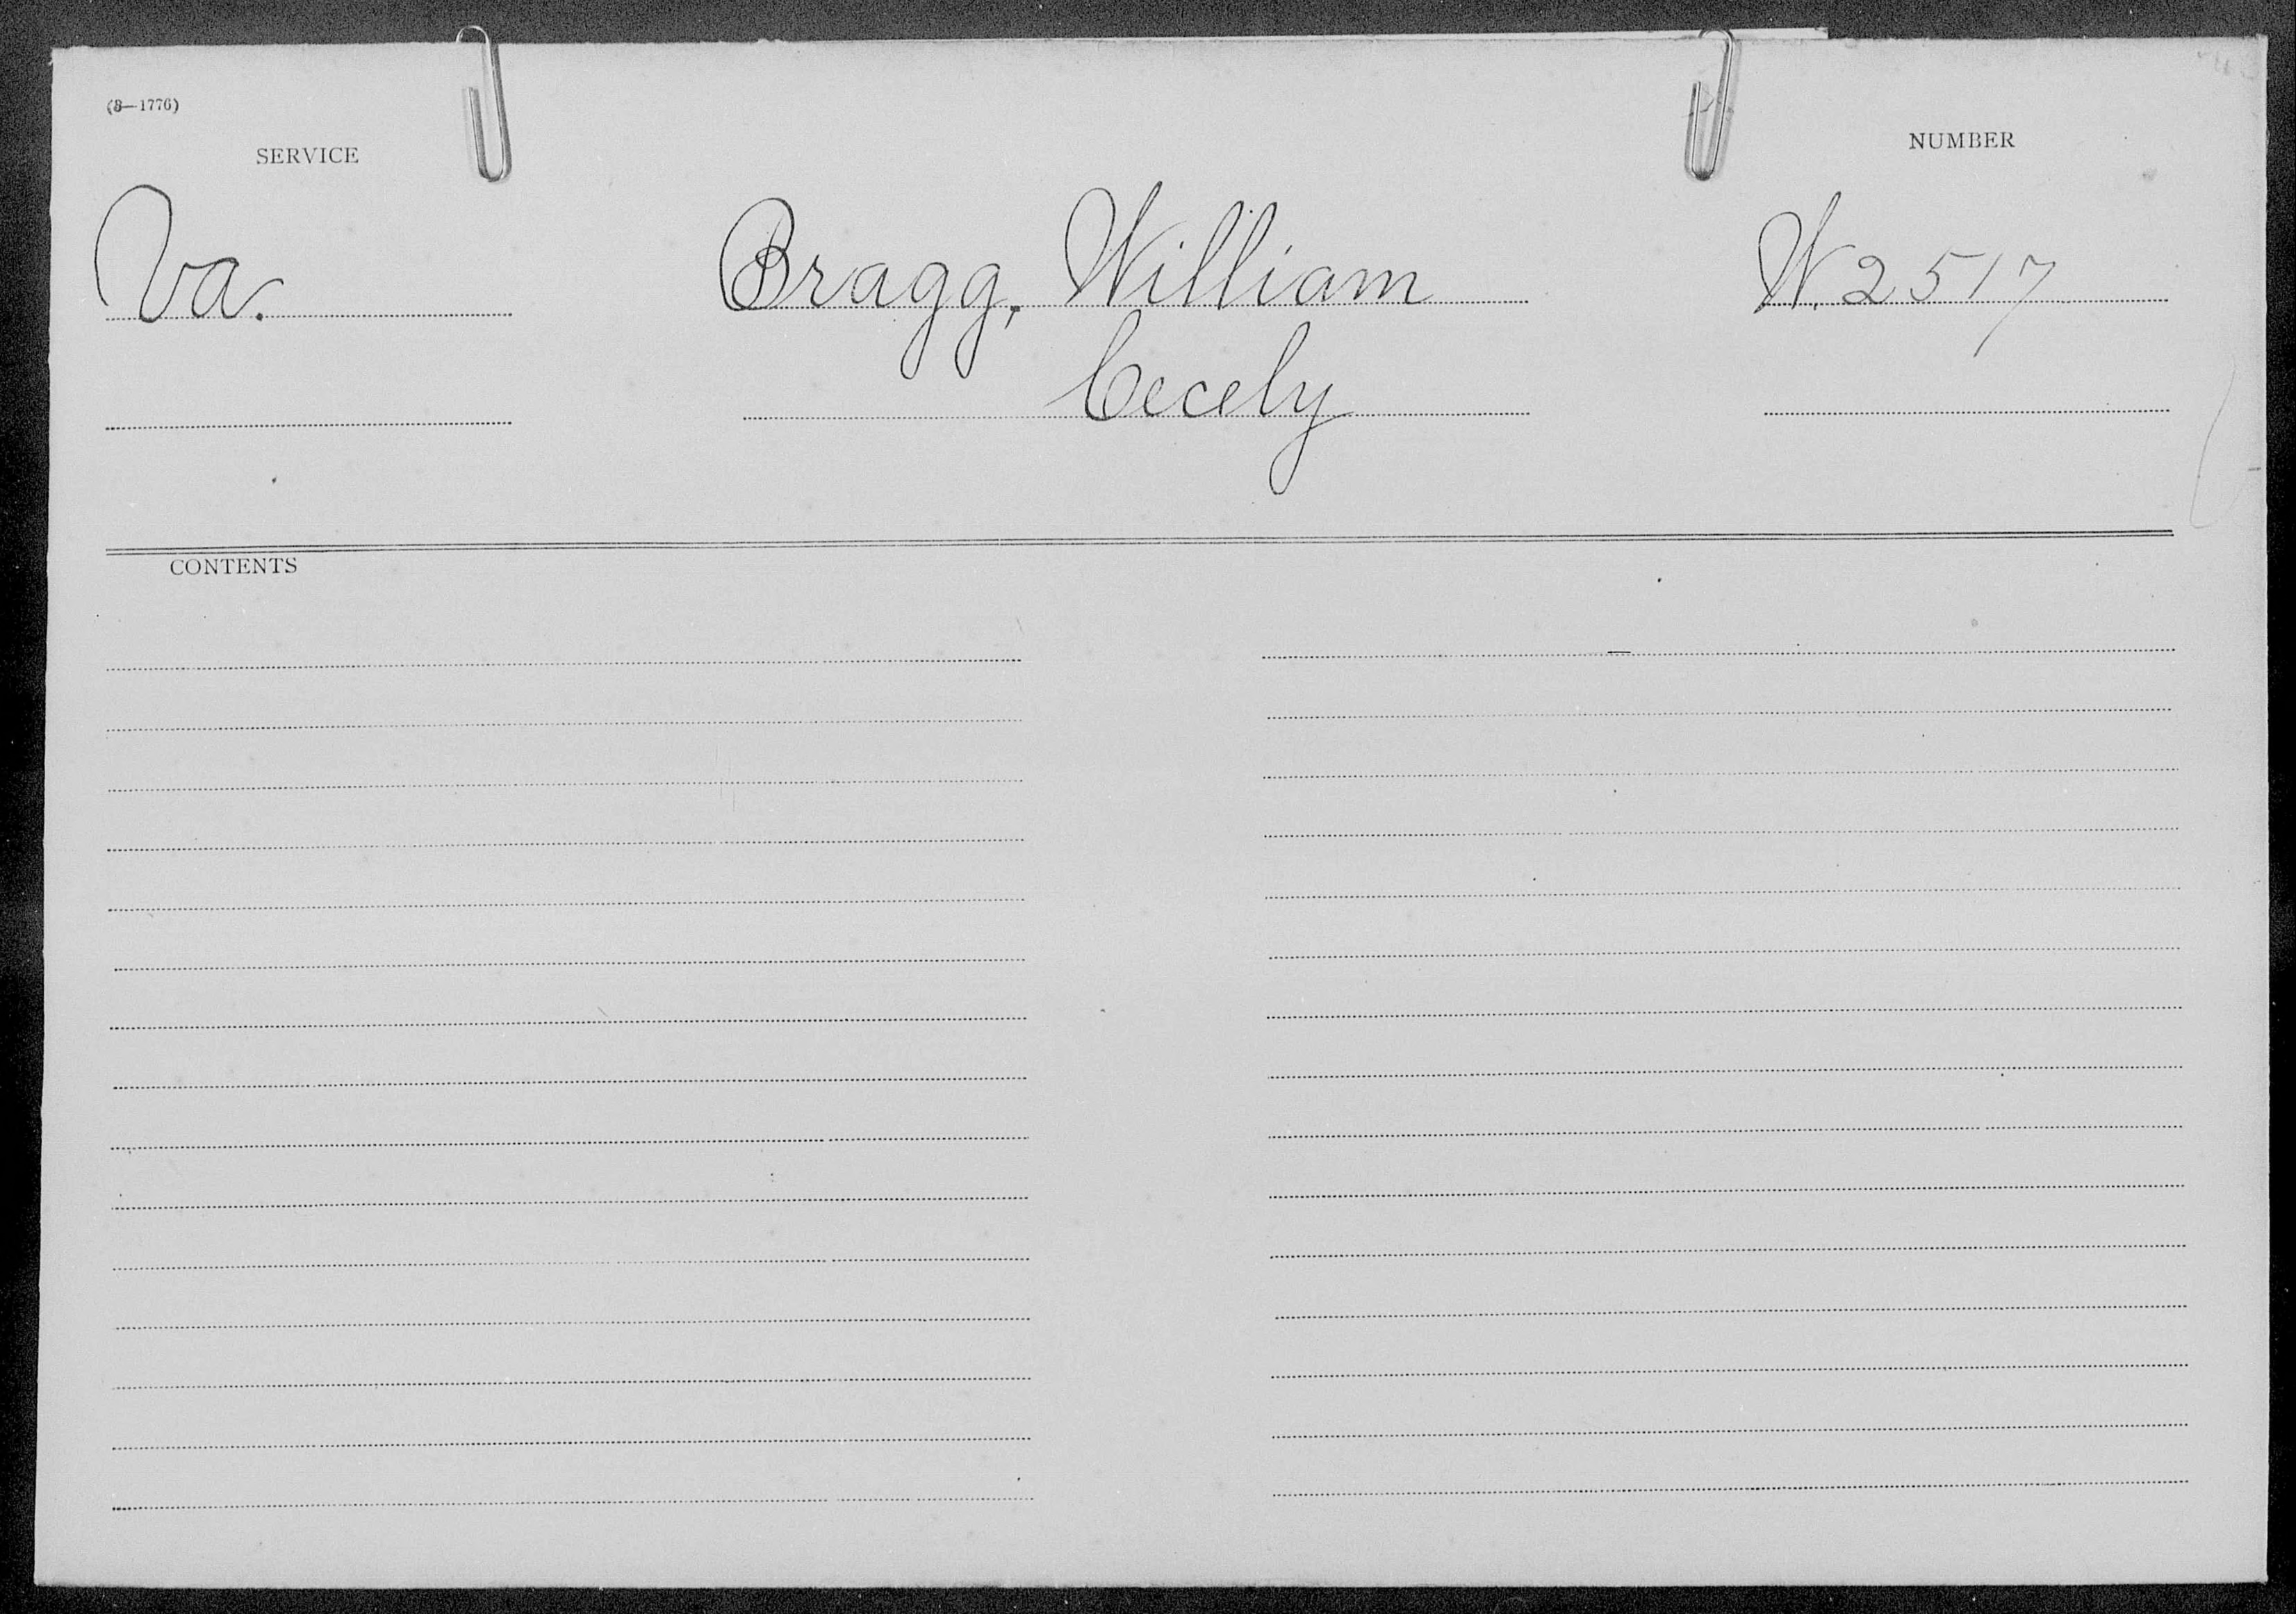[typed form, with handwritten responses]

[3-1776]

SERVICE
Va.

Bragg, William
            Cecely

W.2517
NUMBER

CONTENTS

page: 1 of 19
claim: widow's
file: W. 2517, William Bragg, Va.